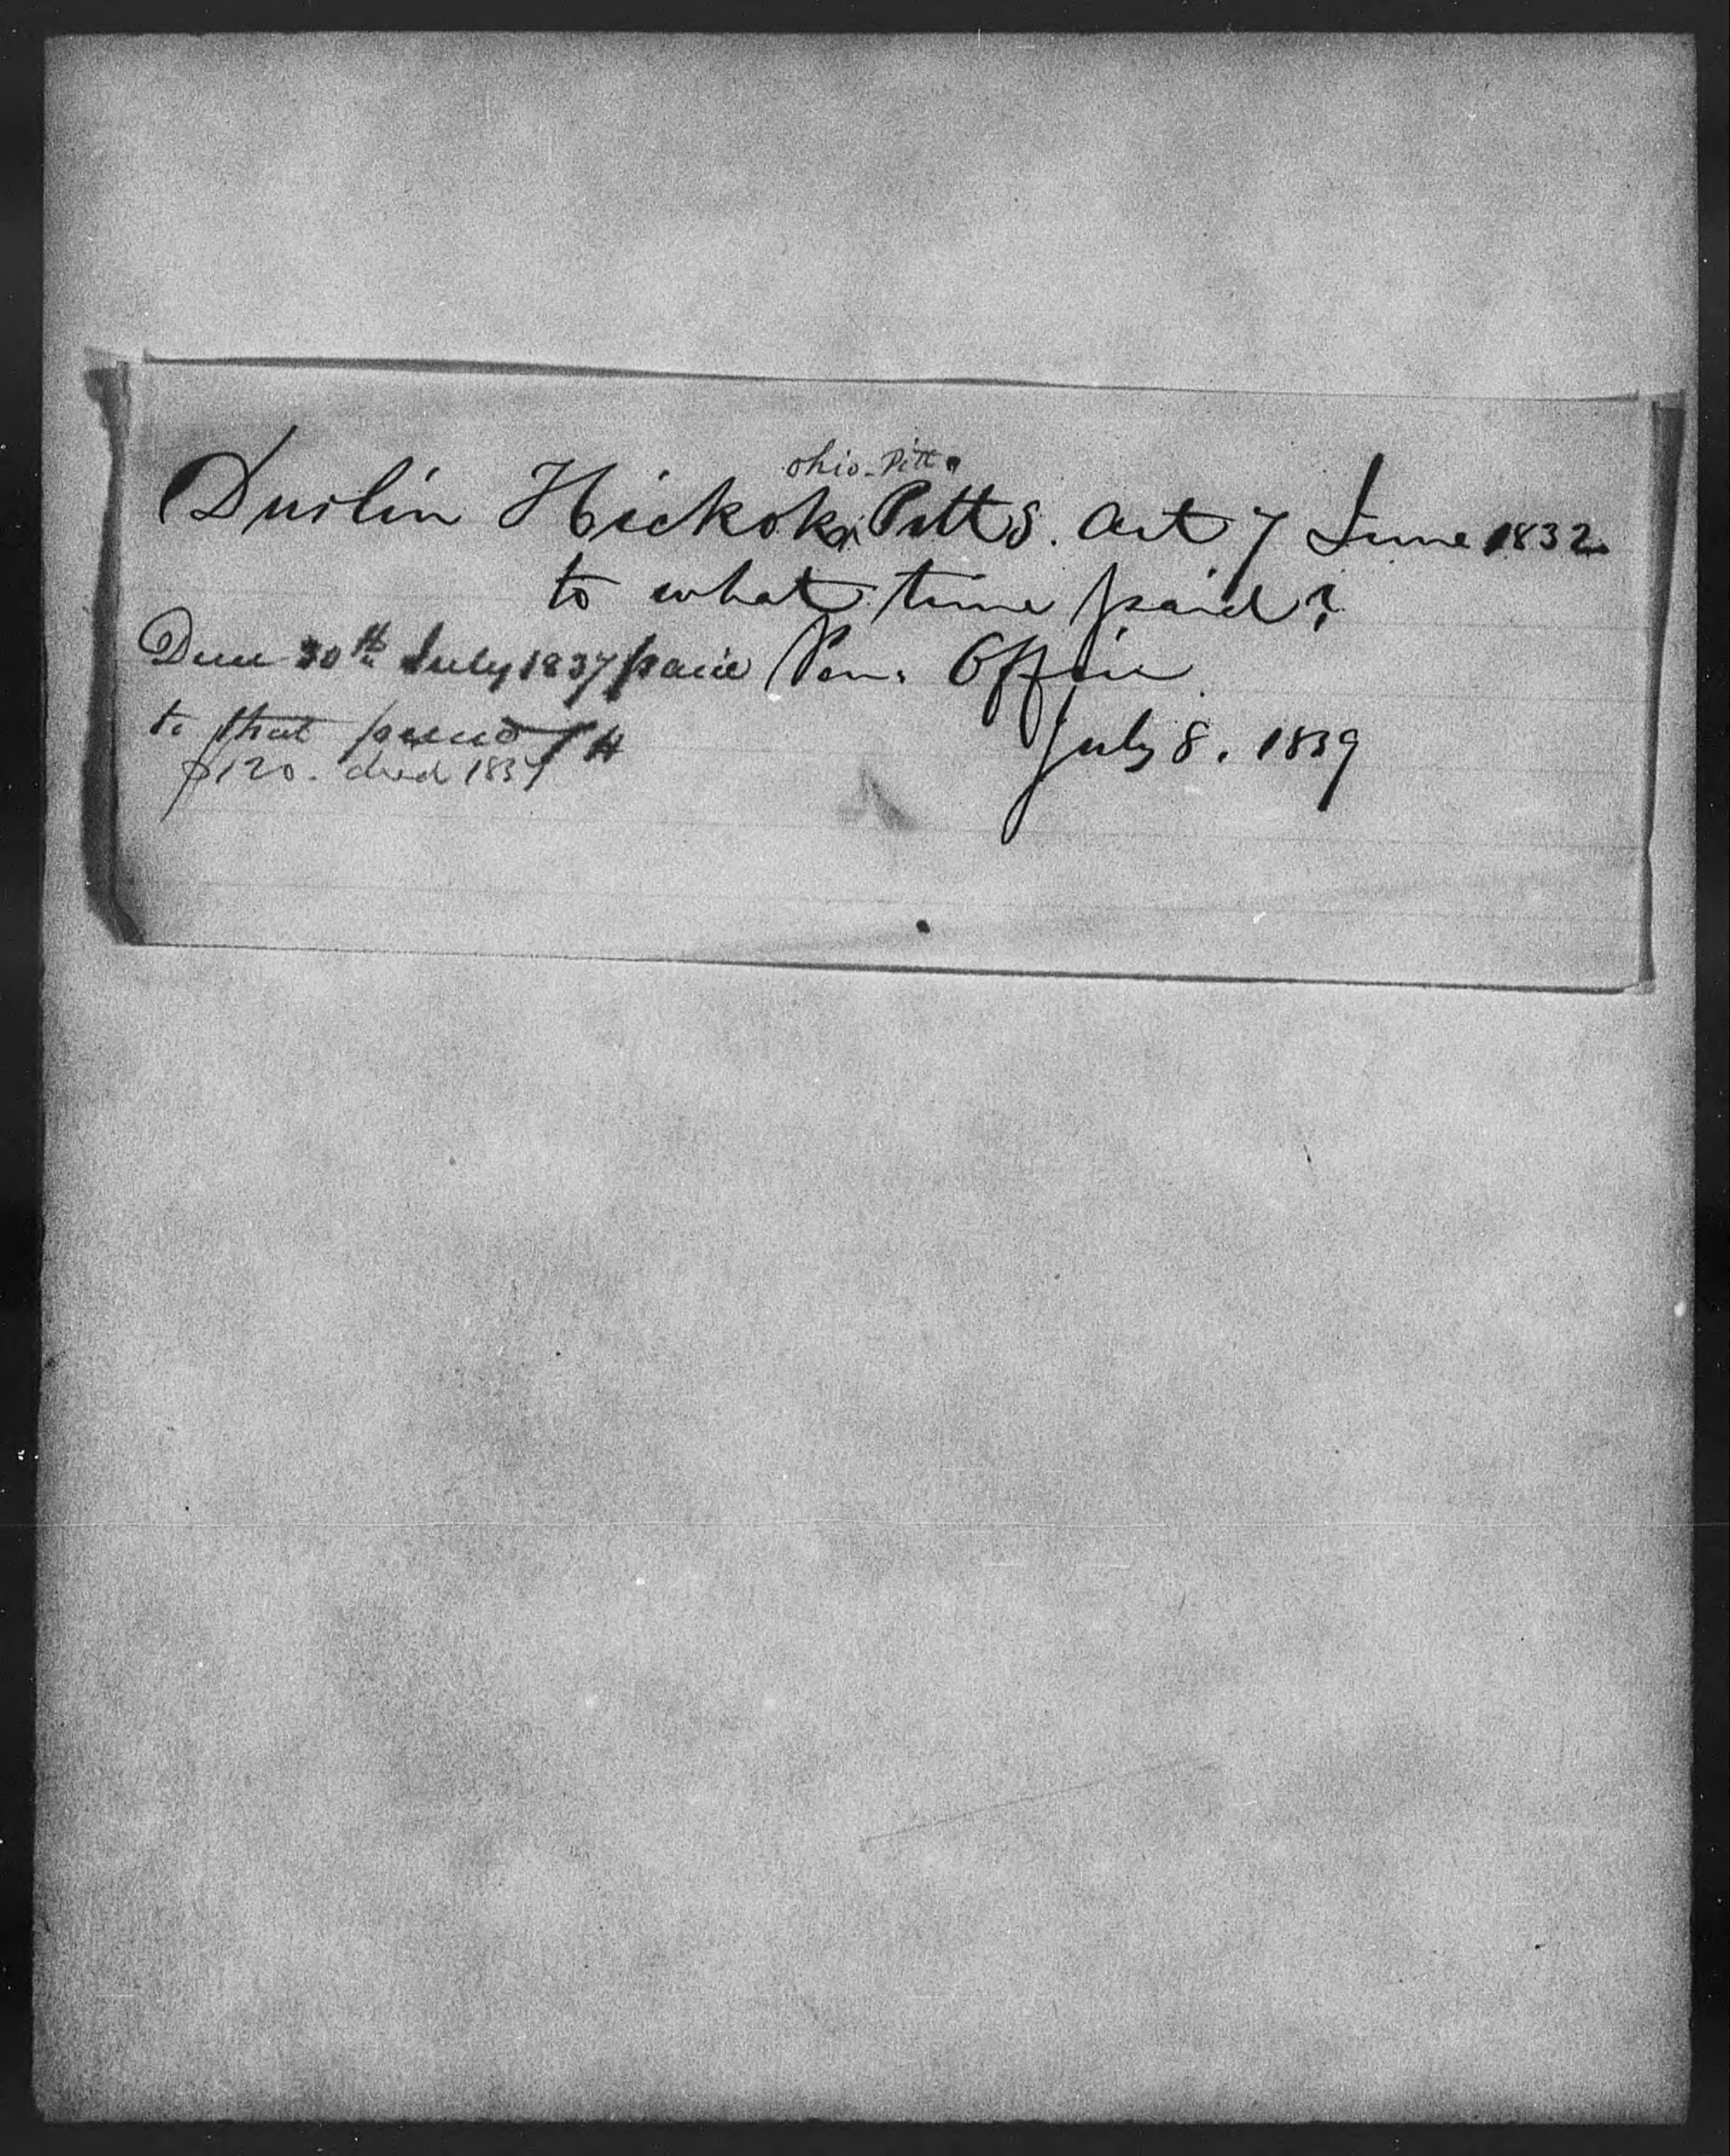Ohio, Pitt
Durlin Hickok Pitts. Act 7 June 1832
to what time paid?
[illegible] 30th July 1837 [illegible] Pen. Office
to that [illegible]
$120. died 1837
July 8, 1839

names: Durlin Hickok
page: 25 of 45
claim: widow's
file: W. 4988, Durlin Hickok, Mass.